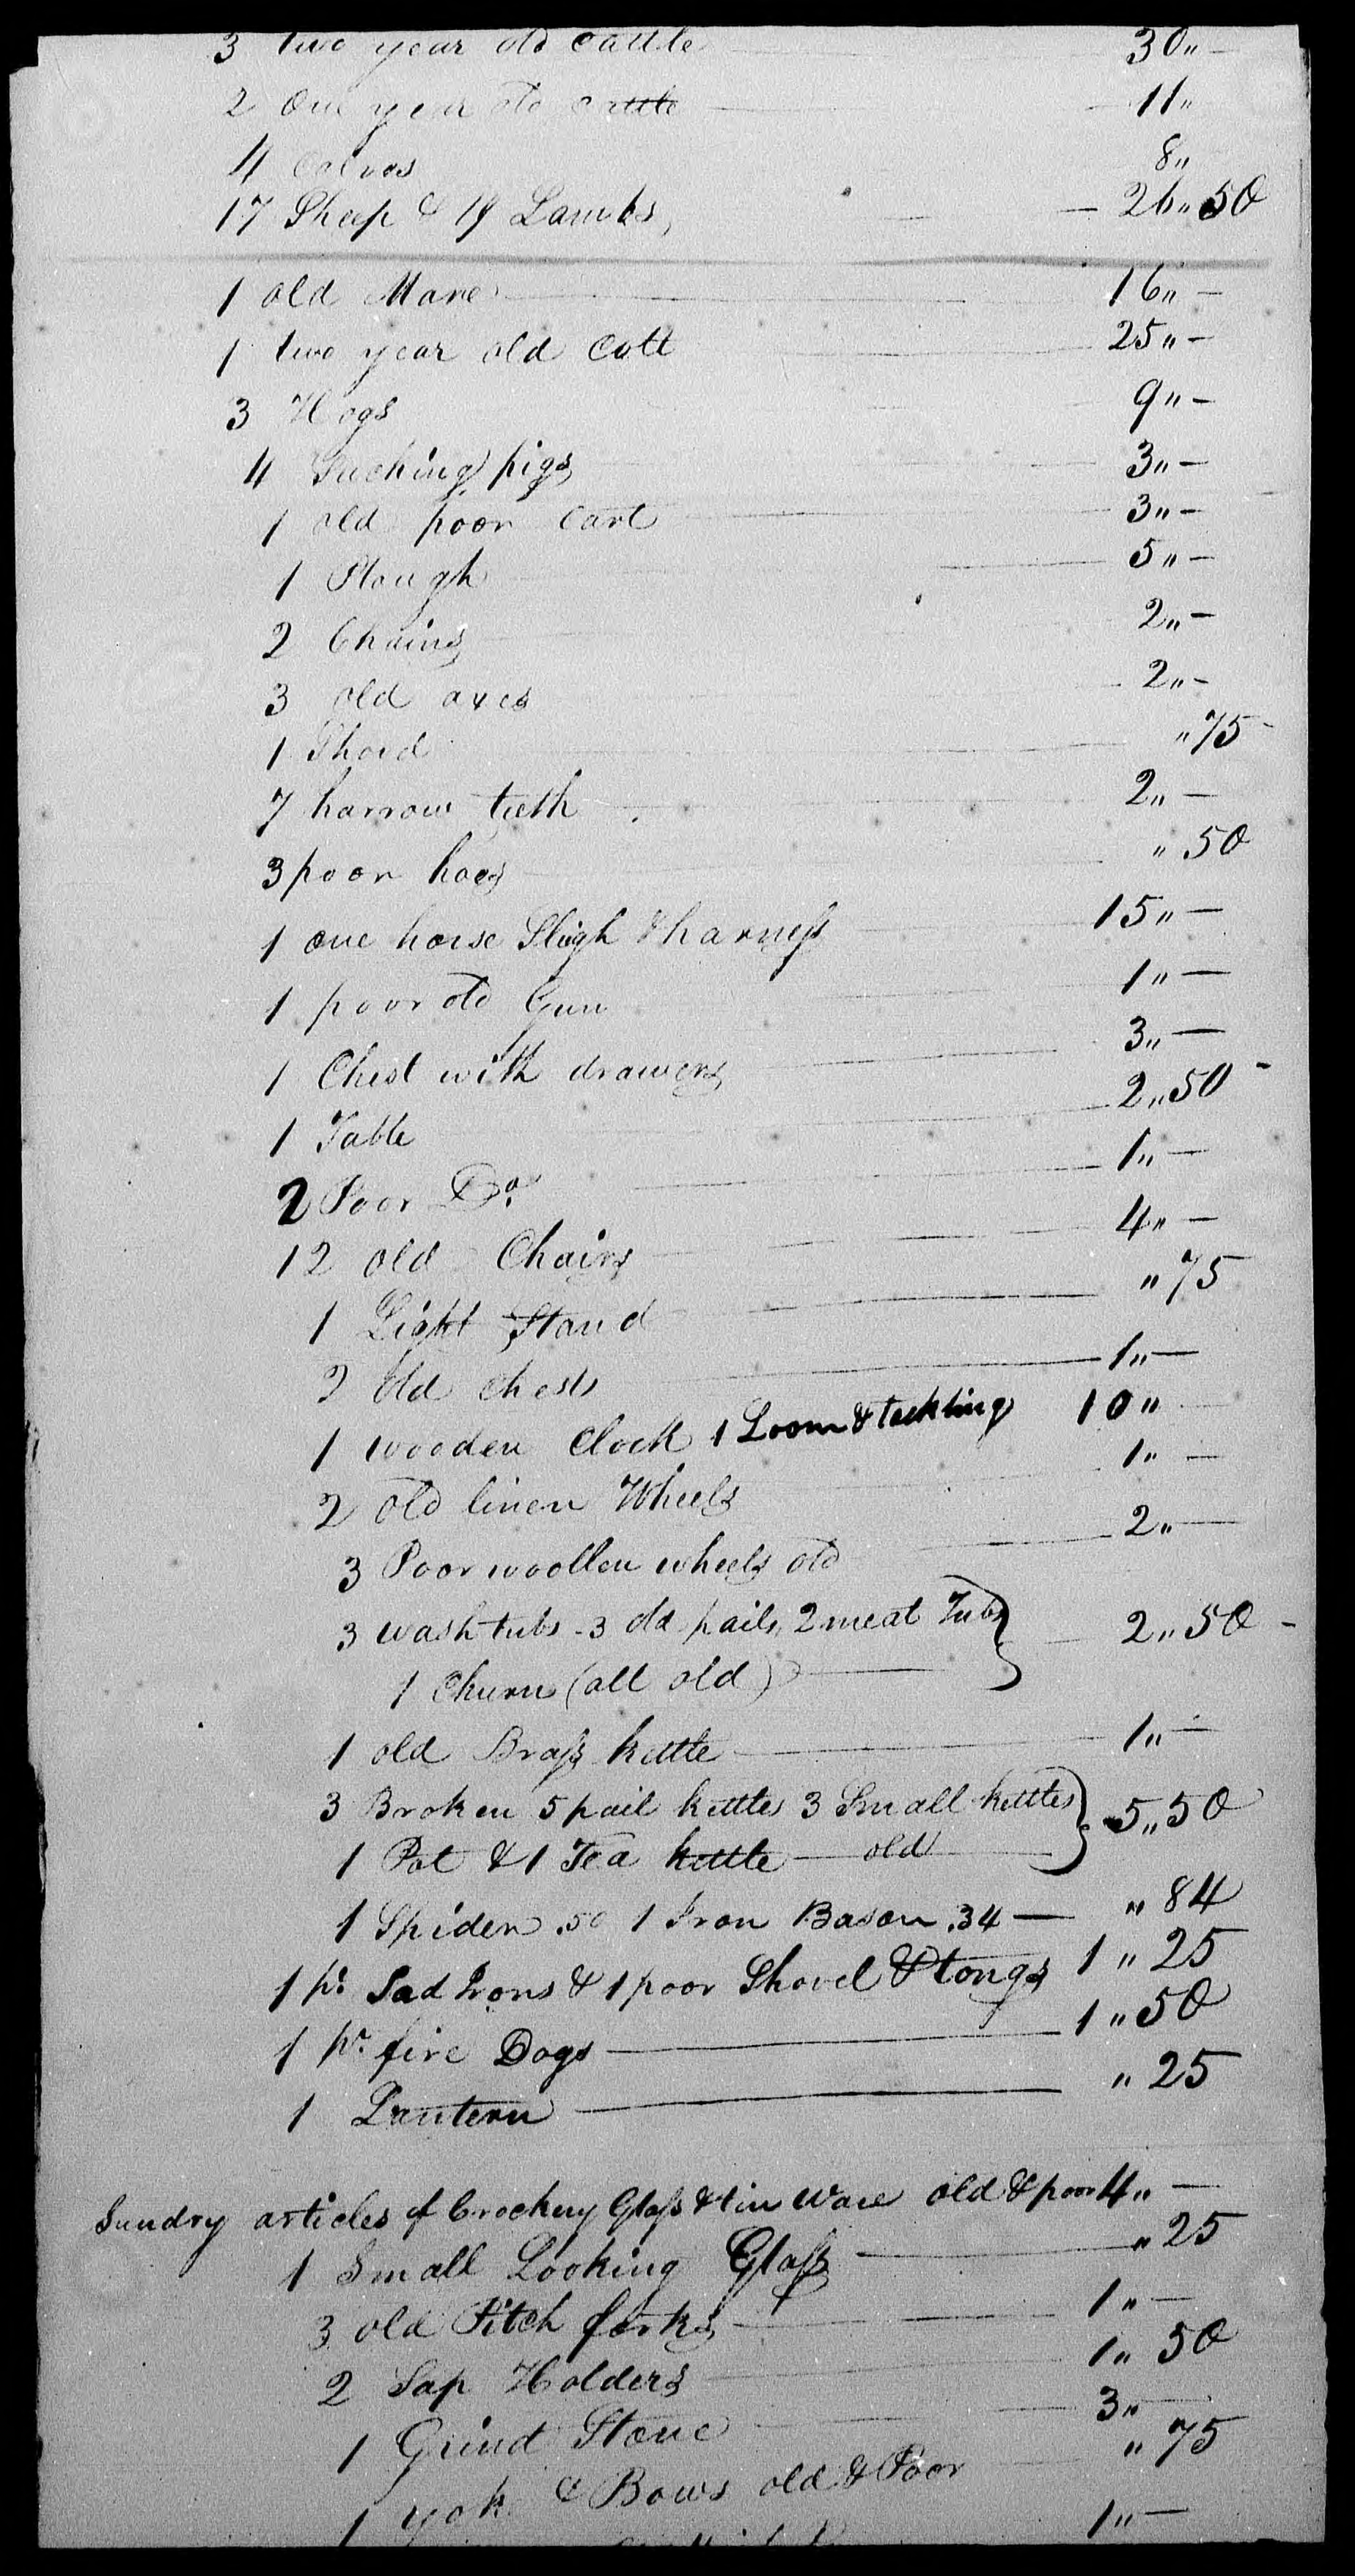3 two year old cattle - 30.00
2 one year old cattle - 11.00
11 Calves - 8.00
17 Sheep & 19 Lambs - 26.50
1 old Mare - 16.00
1 two year old colt - 25.00
3 Hogs - 9.00
11 Sucking pigs - 3.00
1 old poor cart - 3.00
1 Plough - 5.00
2 Chains - 2.00
3 old axes - 2.00
1 Shovel - .75
7 Harrow teeth - 2.00
3 poor hoes - .50
1 one horse Sleigh & harness - 15.00
1 poor old Gun - 1.00
1 Chest with drawers - 3.00
1 Table - 2.50
2 Poor [illegible] - 1.00
12 old Chairs - 4.00
1 Light Stand - .15
2 old chests - 1.00
1 wooden clock 1 Loom & tackling - 10.00
2 old linen wheels - 1.00
3 Poor woollen wheels old - 2.00
3 wash tubs - 3 old pails, 2 meat tubs 1 Churn (all old) - 2.50-
1 old Brass Kettle - 1.00
3 Broken 5 pail Kettles 3 Small Kettles 1 Pot & 1 Tea Kettle old - 5.50
1 Spiden .50 1 Iron Basan .34 - .84
1 pr Sad Irons & 1 poor shovel & tongs - 1.20
1 pr fire Dogs - 1.50
1 Lantern - .25
Sundry articles of crockery glass & tin ware old & poor - 4.00
1 Small Looking Glass - .25
3 old Pitch forks - 1.00
2 Sap Holders - 1.50
1 Grind Stone - 3.00
1 yoke & Bows old & Poor - .75
{last item is cut off, listed at 1.00}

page: 15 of 29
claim: survivor's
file: S. 18830, Daniel Fuller, Mass.